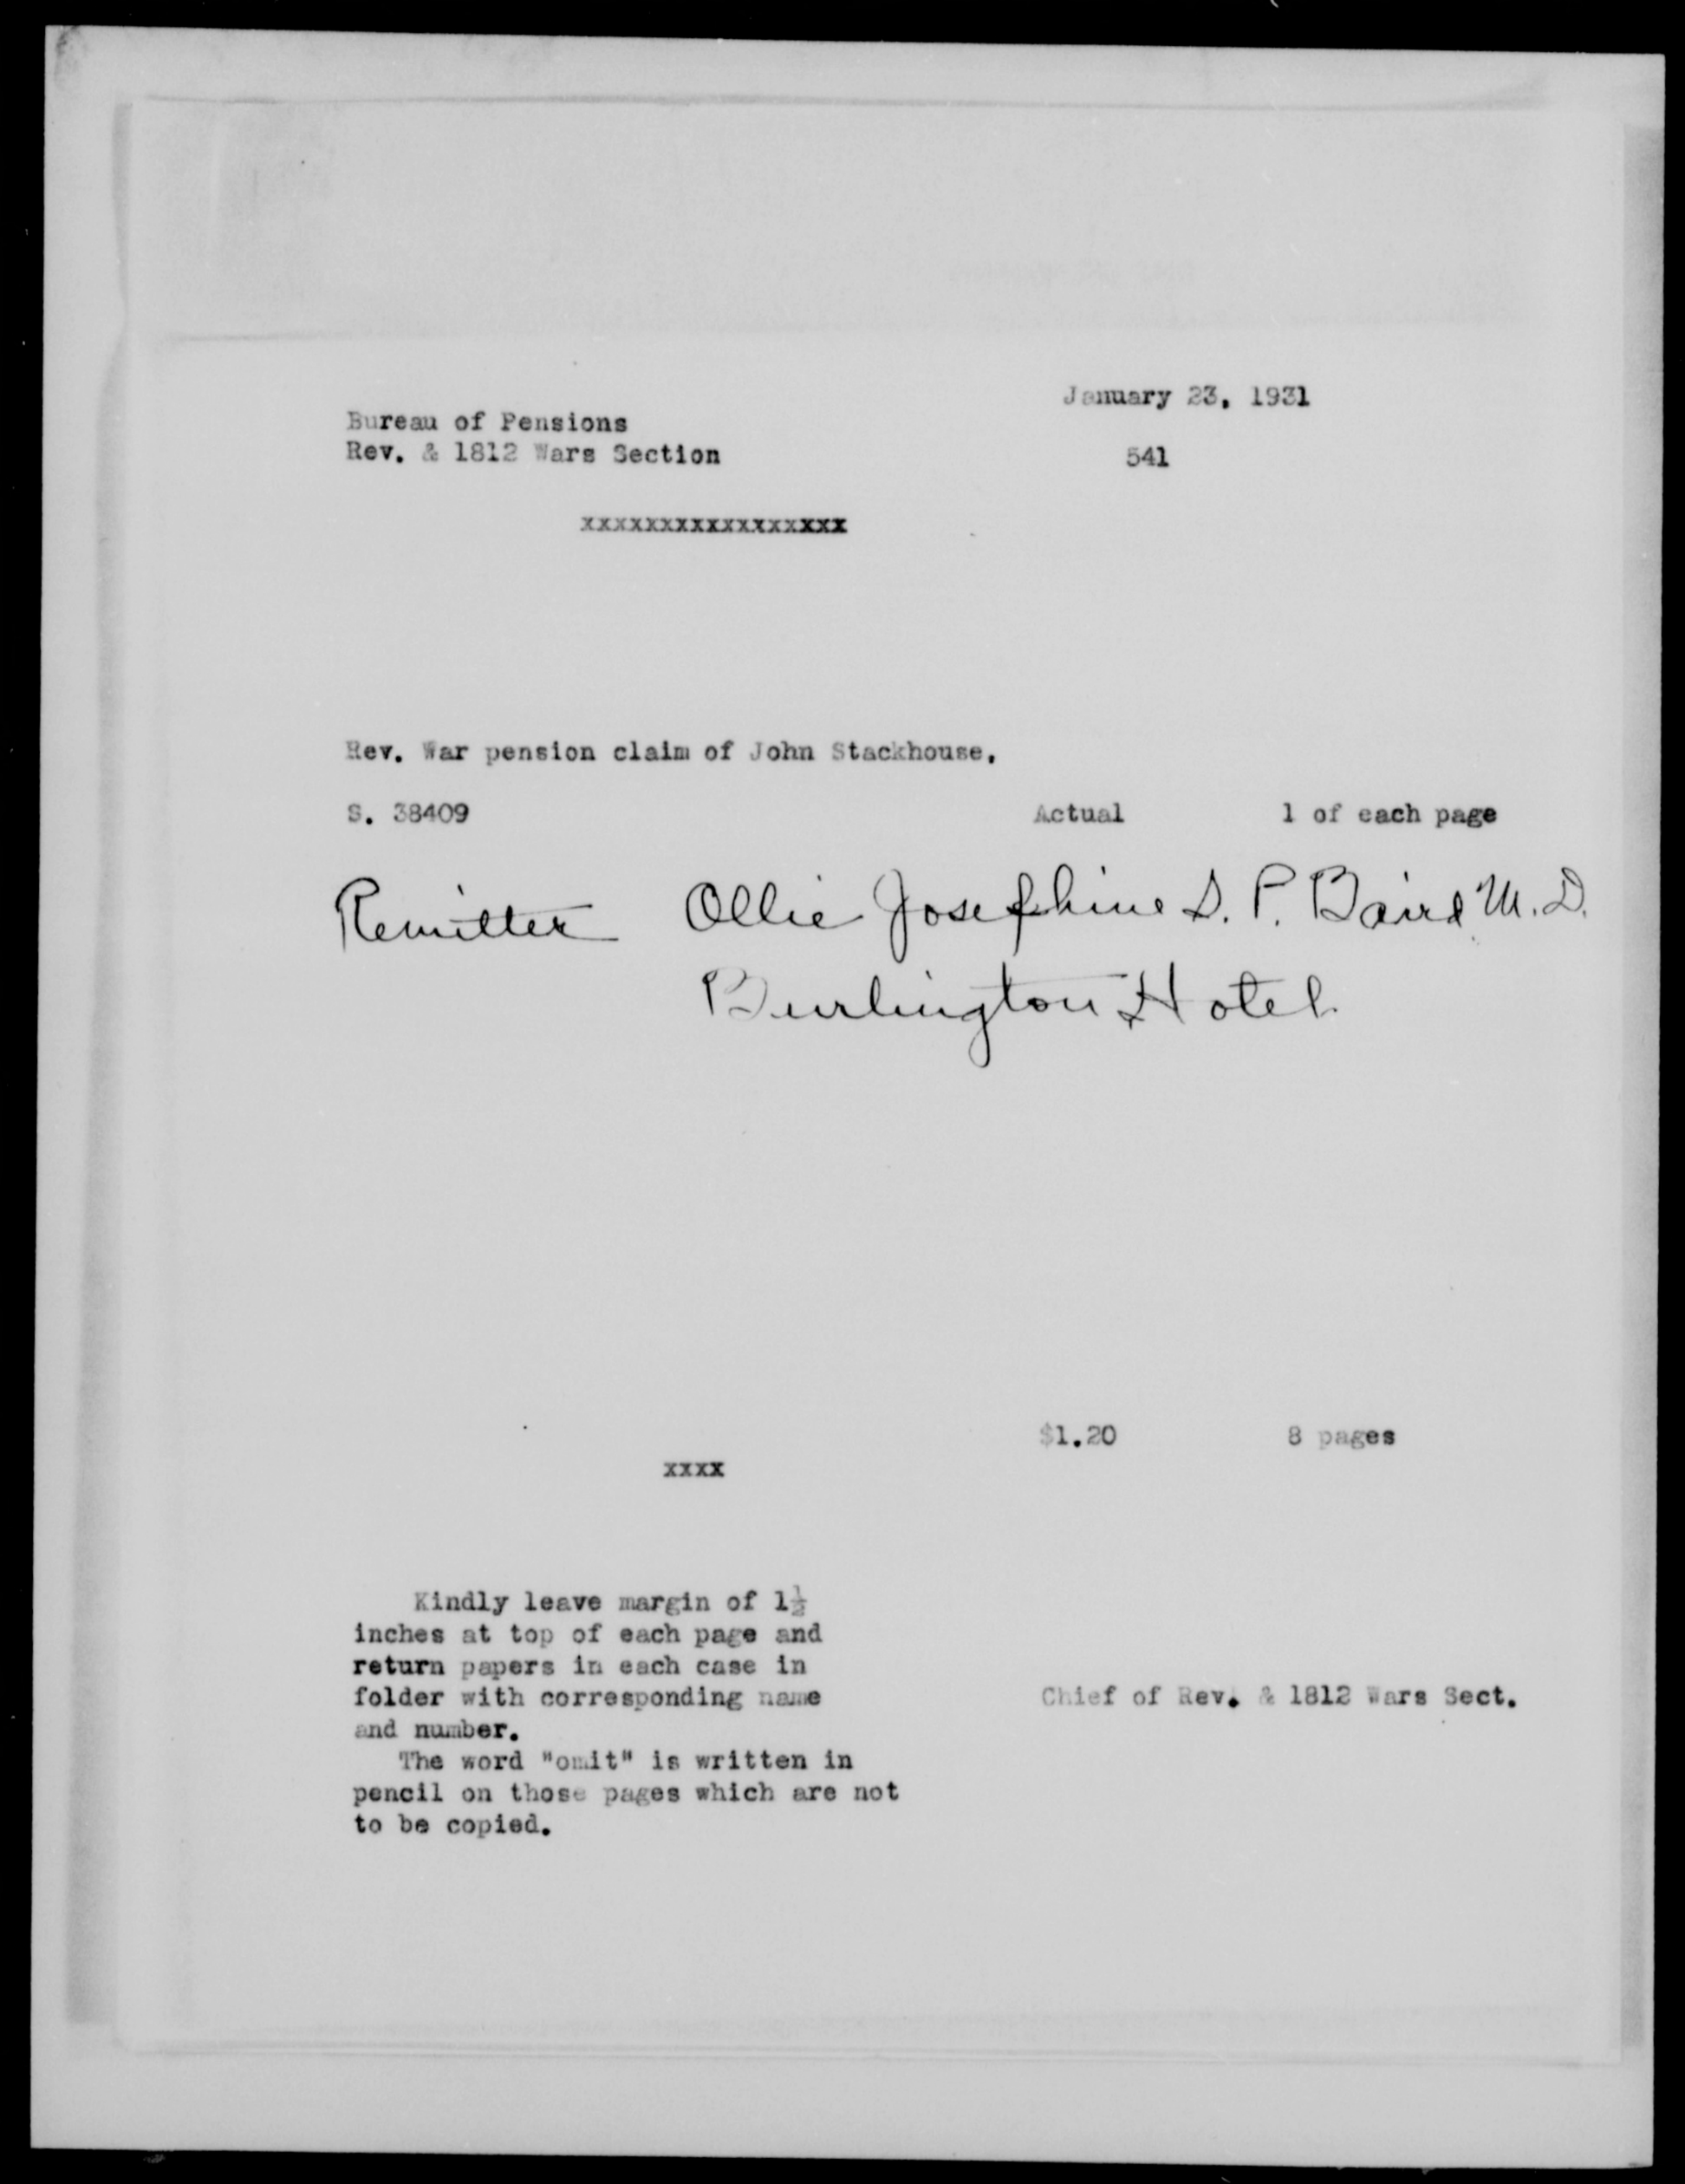January 23, 1931
Bureau of Pensions 
Rev. & 1812 Wars Section 541
xxxxxxxx

Rev. War pension claim of John Stackhouse.
S. 38409 Actual 1 of each page
Remitter Ollie Josephine S. P. Baird M. D.
Burlington Hotel.

$1.20 8 pages
xxxx
Kindly leave margin of 1 1/2 inches at top of each page and return papers in each case in folder with corresponding name and number.
The word "omit" is written in pencil on those pages which are not to be copieds.
Chief of Rev. & 1812 Wars Sect.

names: Ollie Josephine S P Baird; John Stackhouse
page: 14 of 19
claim: survivor's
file: S. 38,409, for John Stackhouse, Virginia